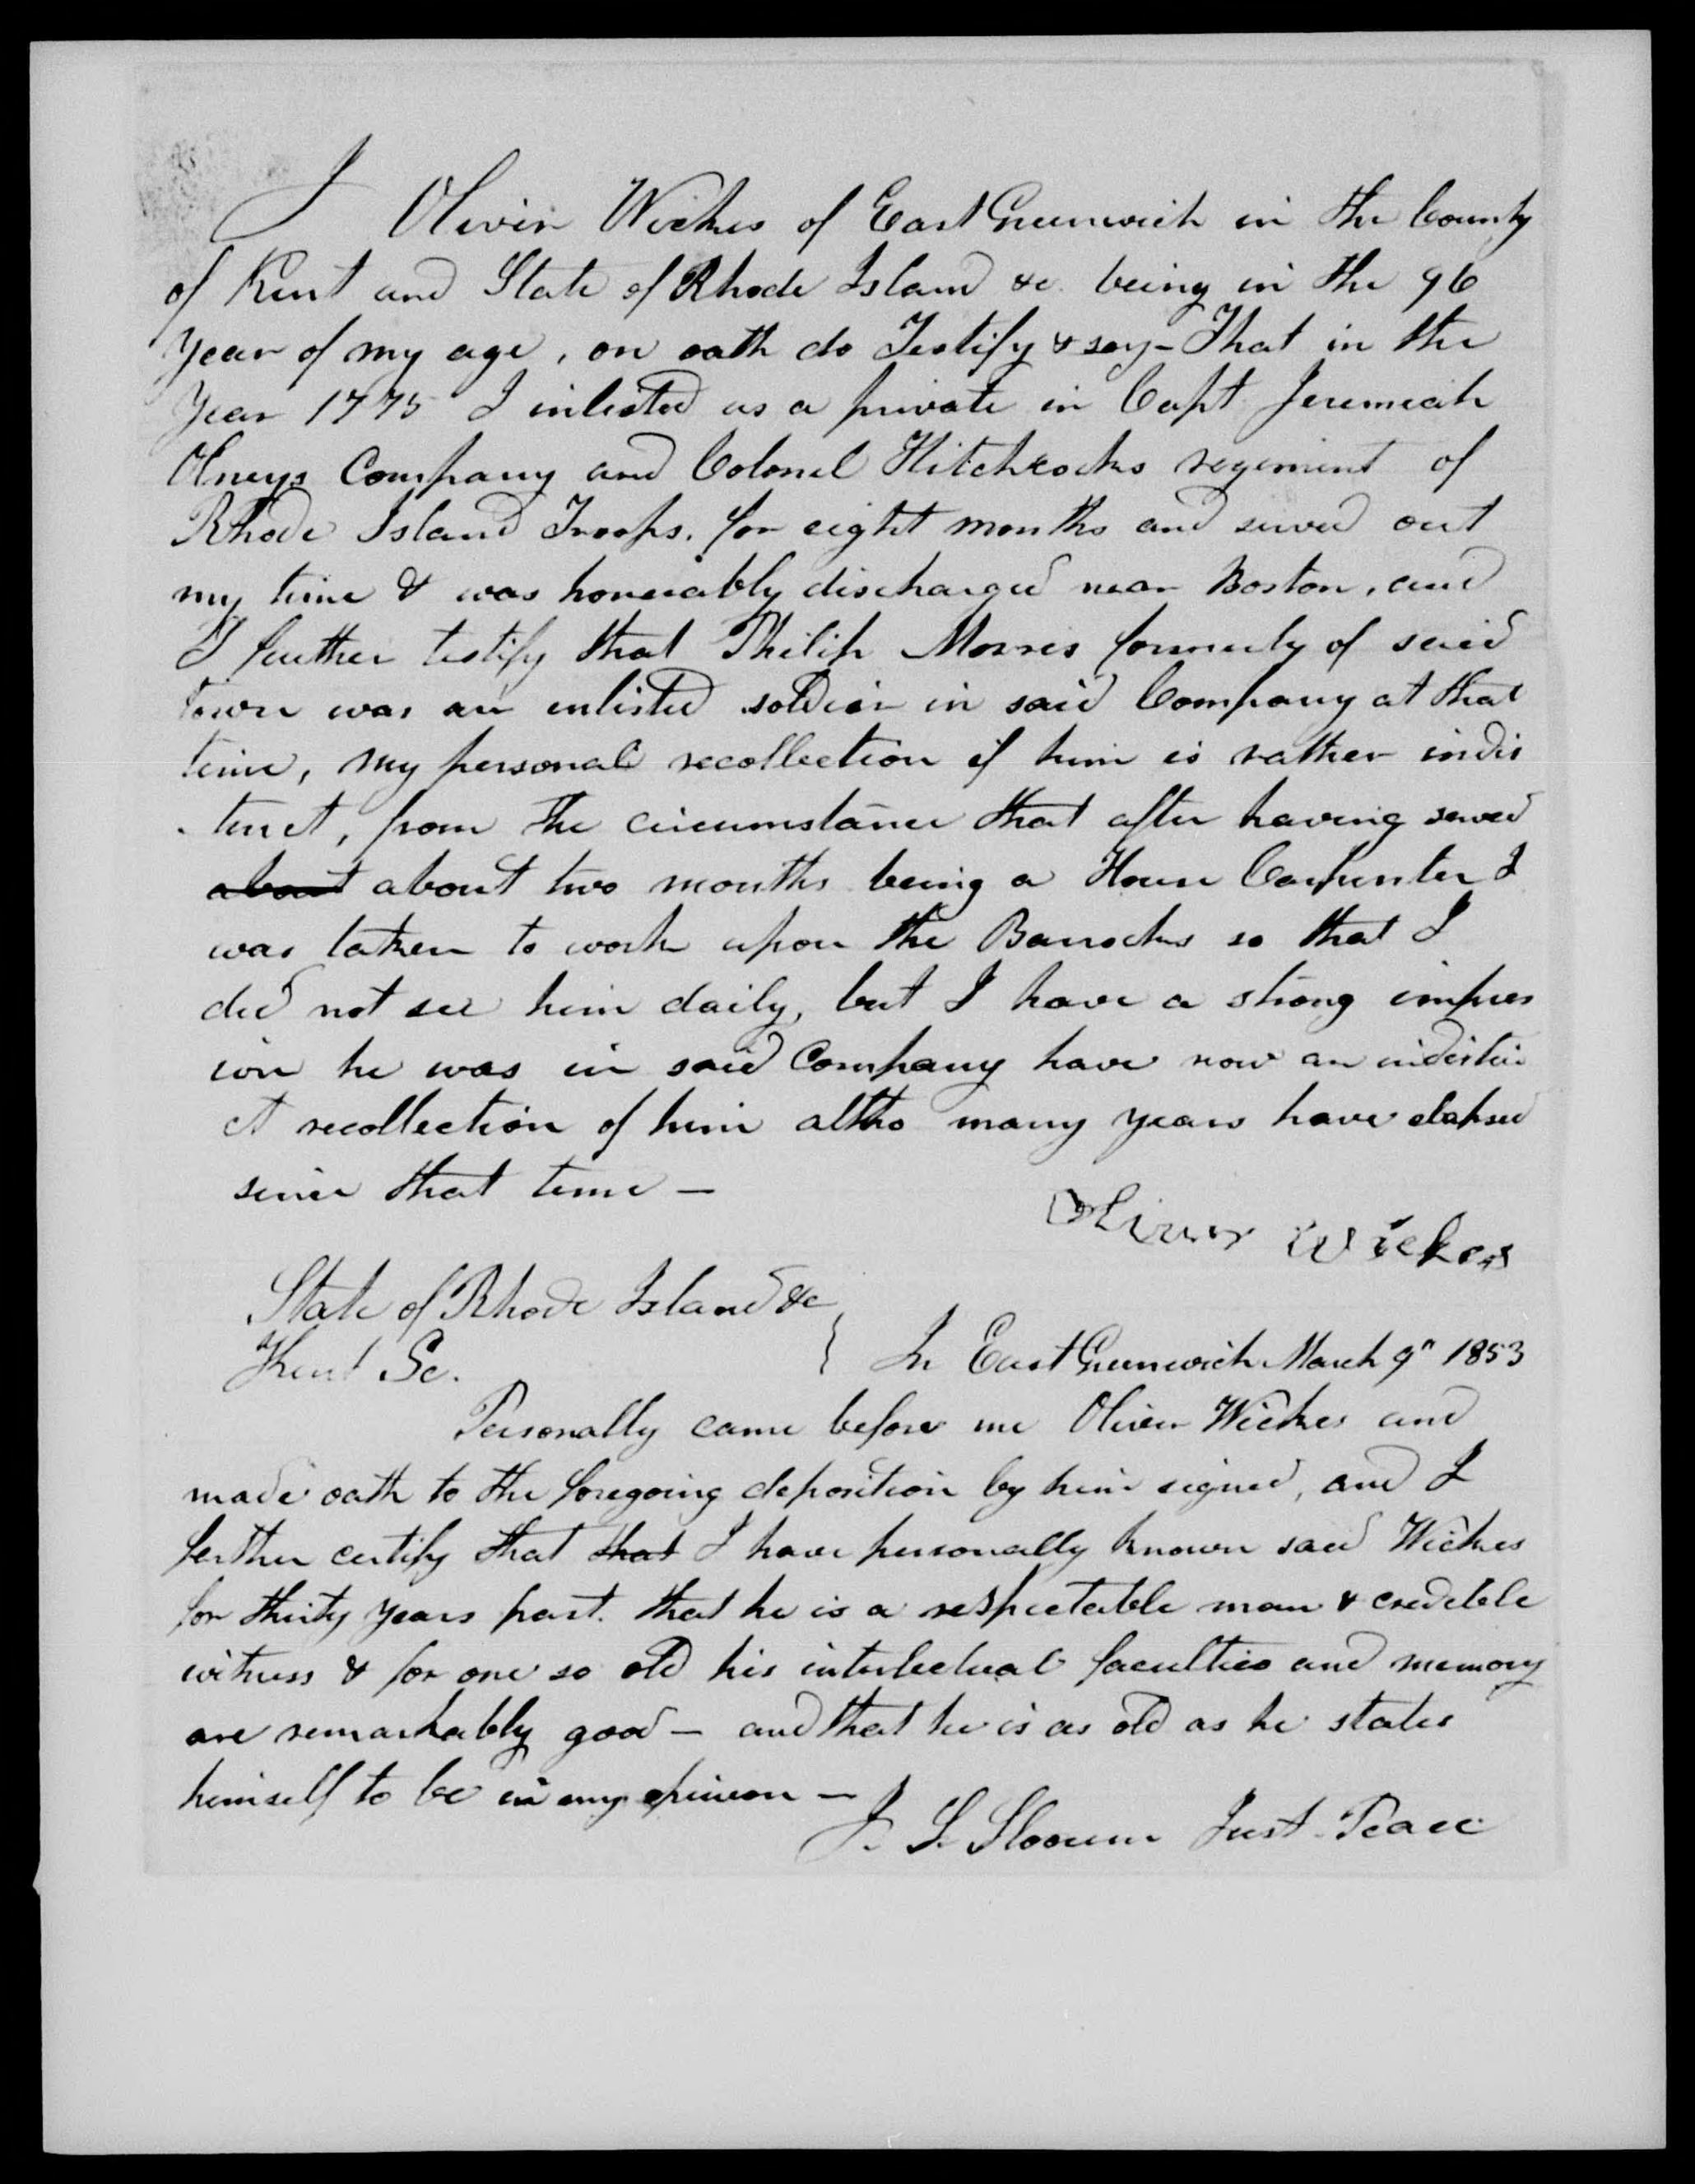I Oliver Wickes of East Greenwich in the County of Kent and the State of Rhiode Island  being in the 96 year of my age, on oath do Testify & say - That in the year 1775 I inlisted as a private in Capt Jeremiah Olney's Company and Colornel Hitchcock's regiment of Rhode Island troops. For eight months and served out my time & was hororably discharged near Boston and I furdther testify that Philip MOrris formerly of said town was an inlisted sodier in said Company at that time, my personal recollection of him is rather indistinct, from the circumstances that after haveing served about two months being a HouseCarpenter I was taken to work upon the Abrrack so thet I did not see him daily, but I have a strong impression he was in said Company have now an indistinct recollection of him altho many years have elapsed since that time - 
Oliver Wickes 

State of Rhode Island
Kent Sc.}
In East Greenwich March 9th 1853
Personally came before me Oliver Wickes and made oath to the foregoing deposition by him signed and I further certify that I have personally known said Wickes for thirty years past that he is a respectable man & credible witness & for one so old his intellectual faculties and memory are remarkably good - and that he is as old as he states himself to be in my opinion -
J S Slocum  Just. Peace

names: Oliver Wickes; J S Slocum; Philip Morris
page: 31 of 44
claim: survivor's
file: S. 28,815, for Philip Morris, Rhode Island